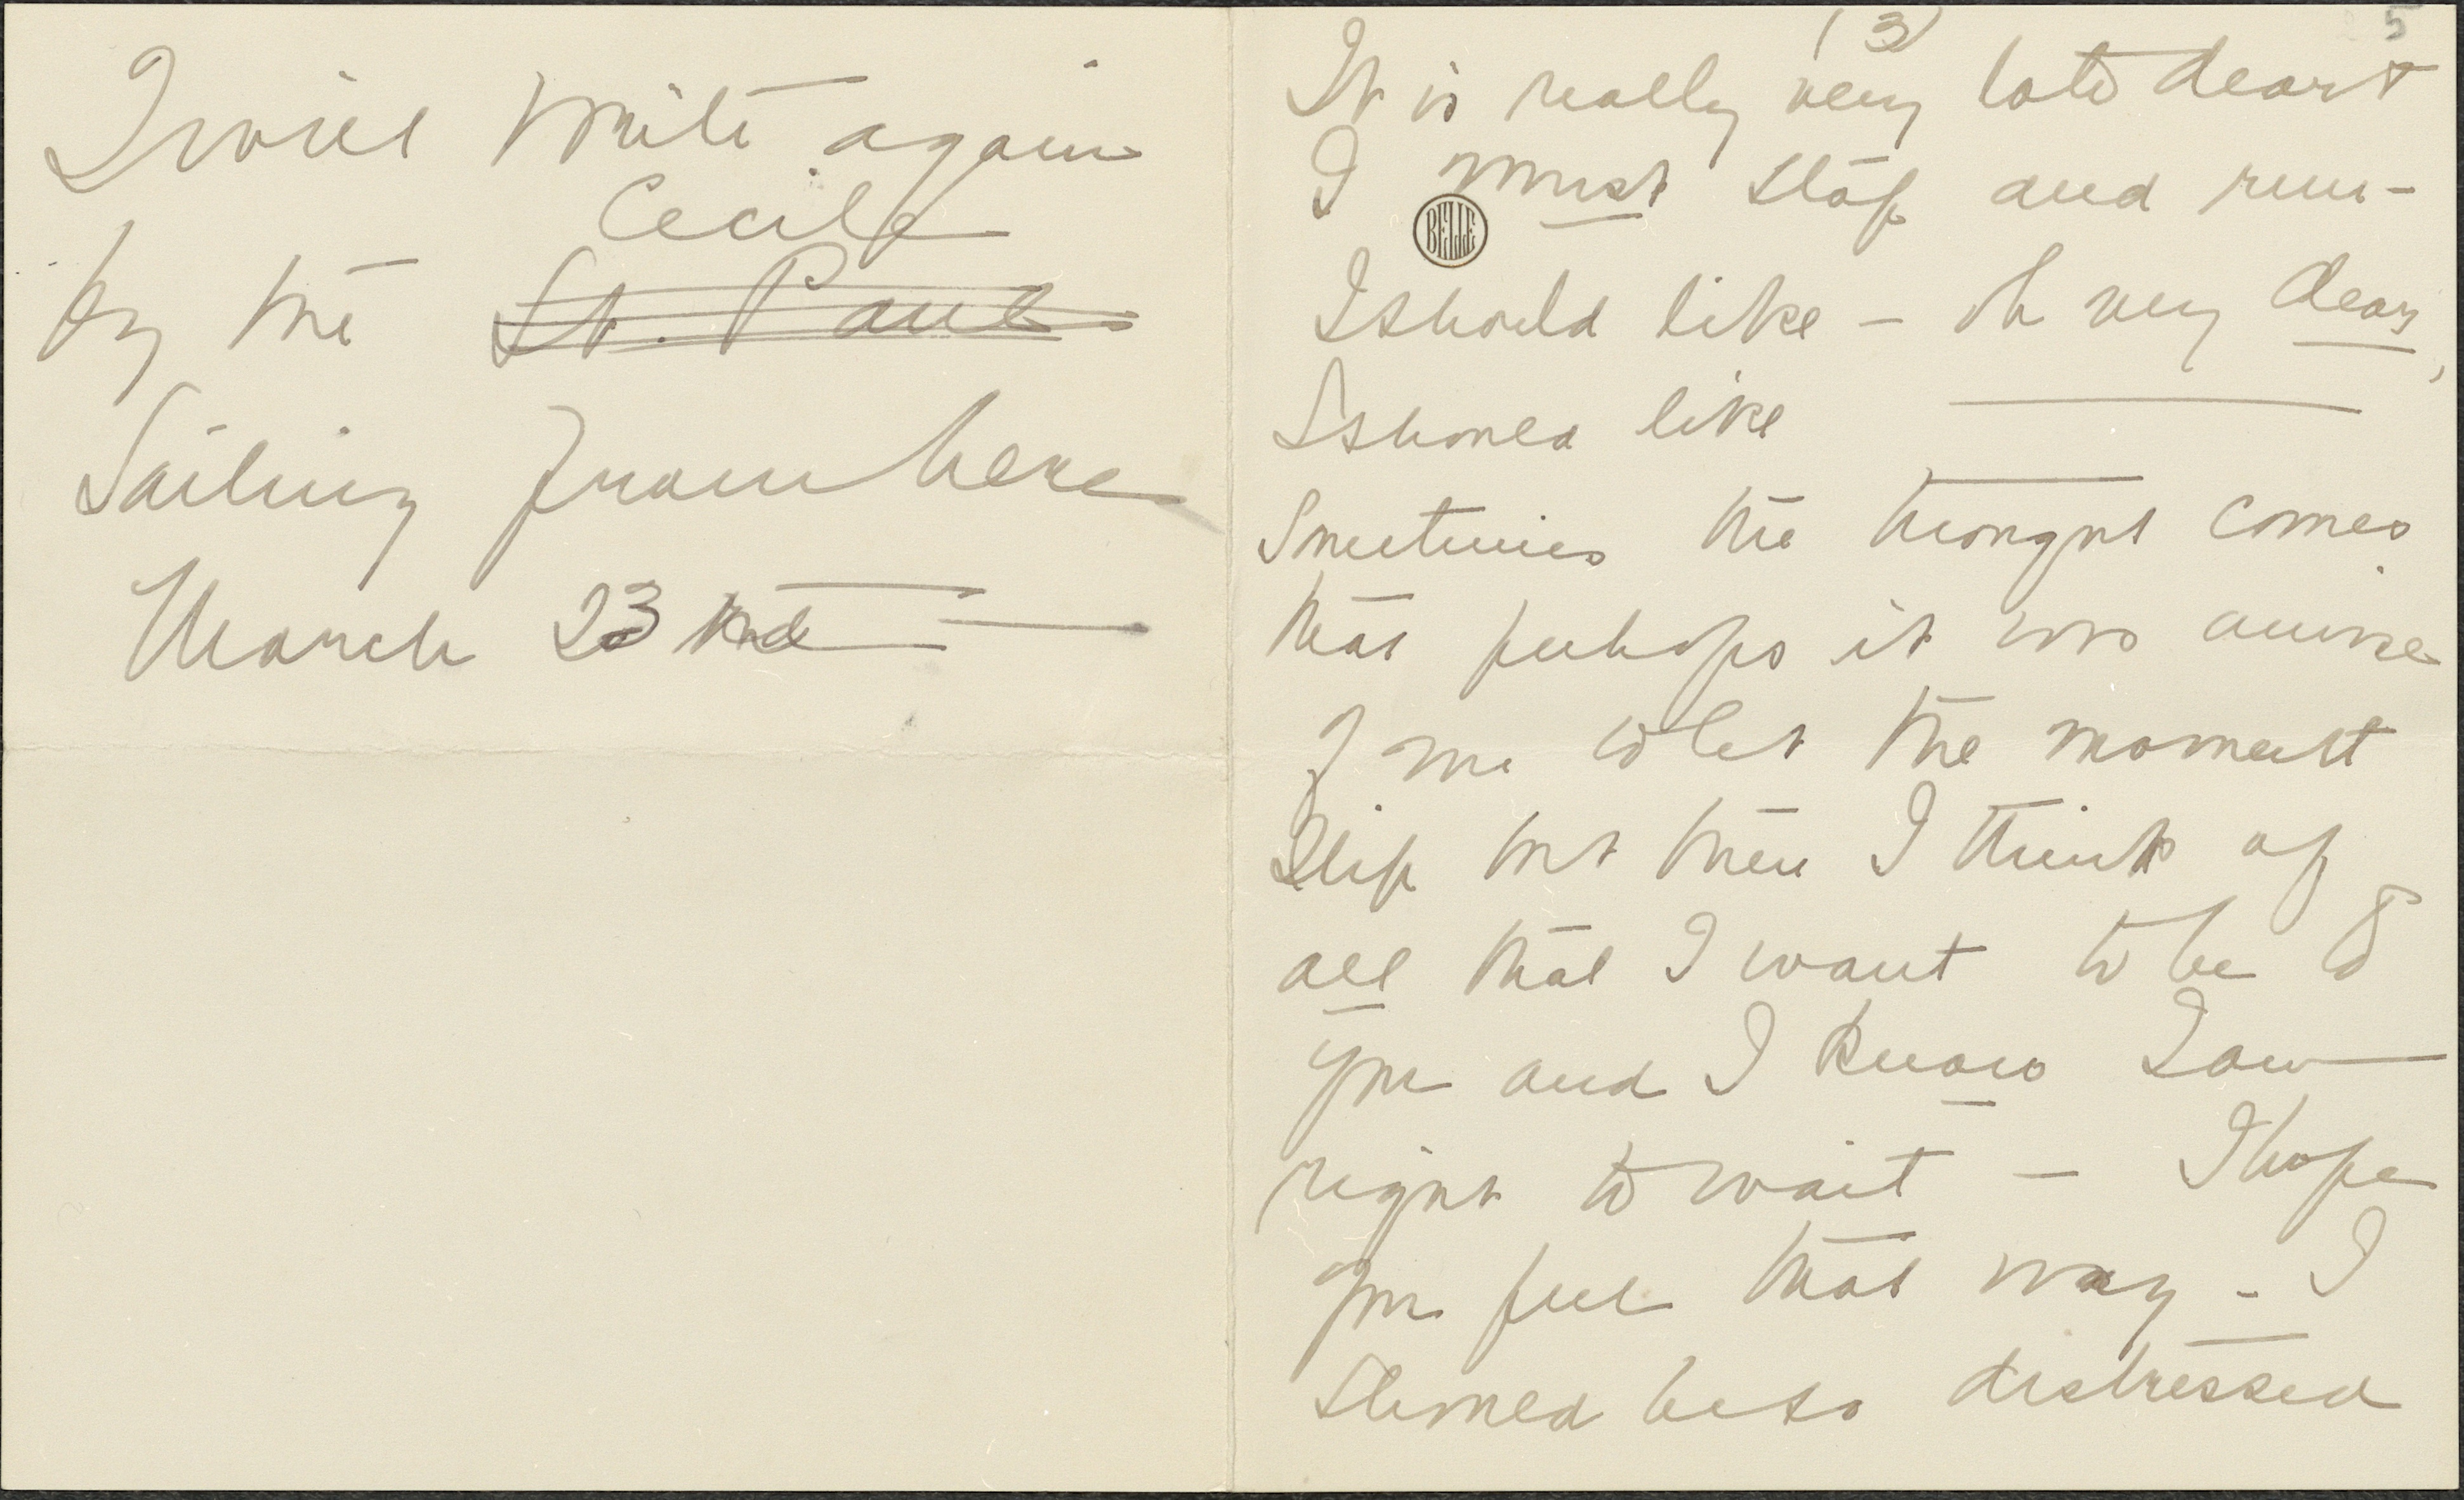(3)
It is really very late dear & I must stop and run – I should like – oh my dear, I should like – Sometimes the thought comes that perhaps it was unwise of me to let the moment slip but then I think of all that I want to be to you and I know I am right to wait – I hope you feel that way – I should be so distressed
I will write again by the St. Paul ^Cecile^
Sailing from here March 23thrd –